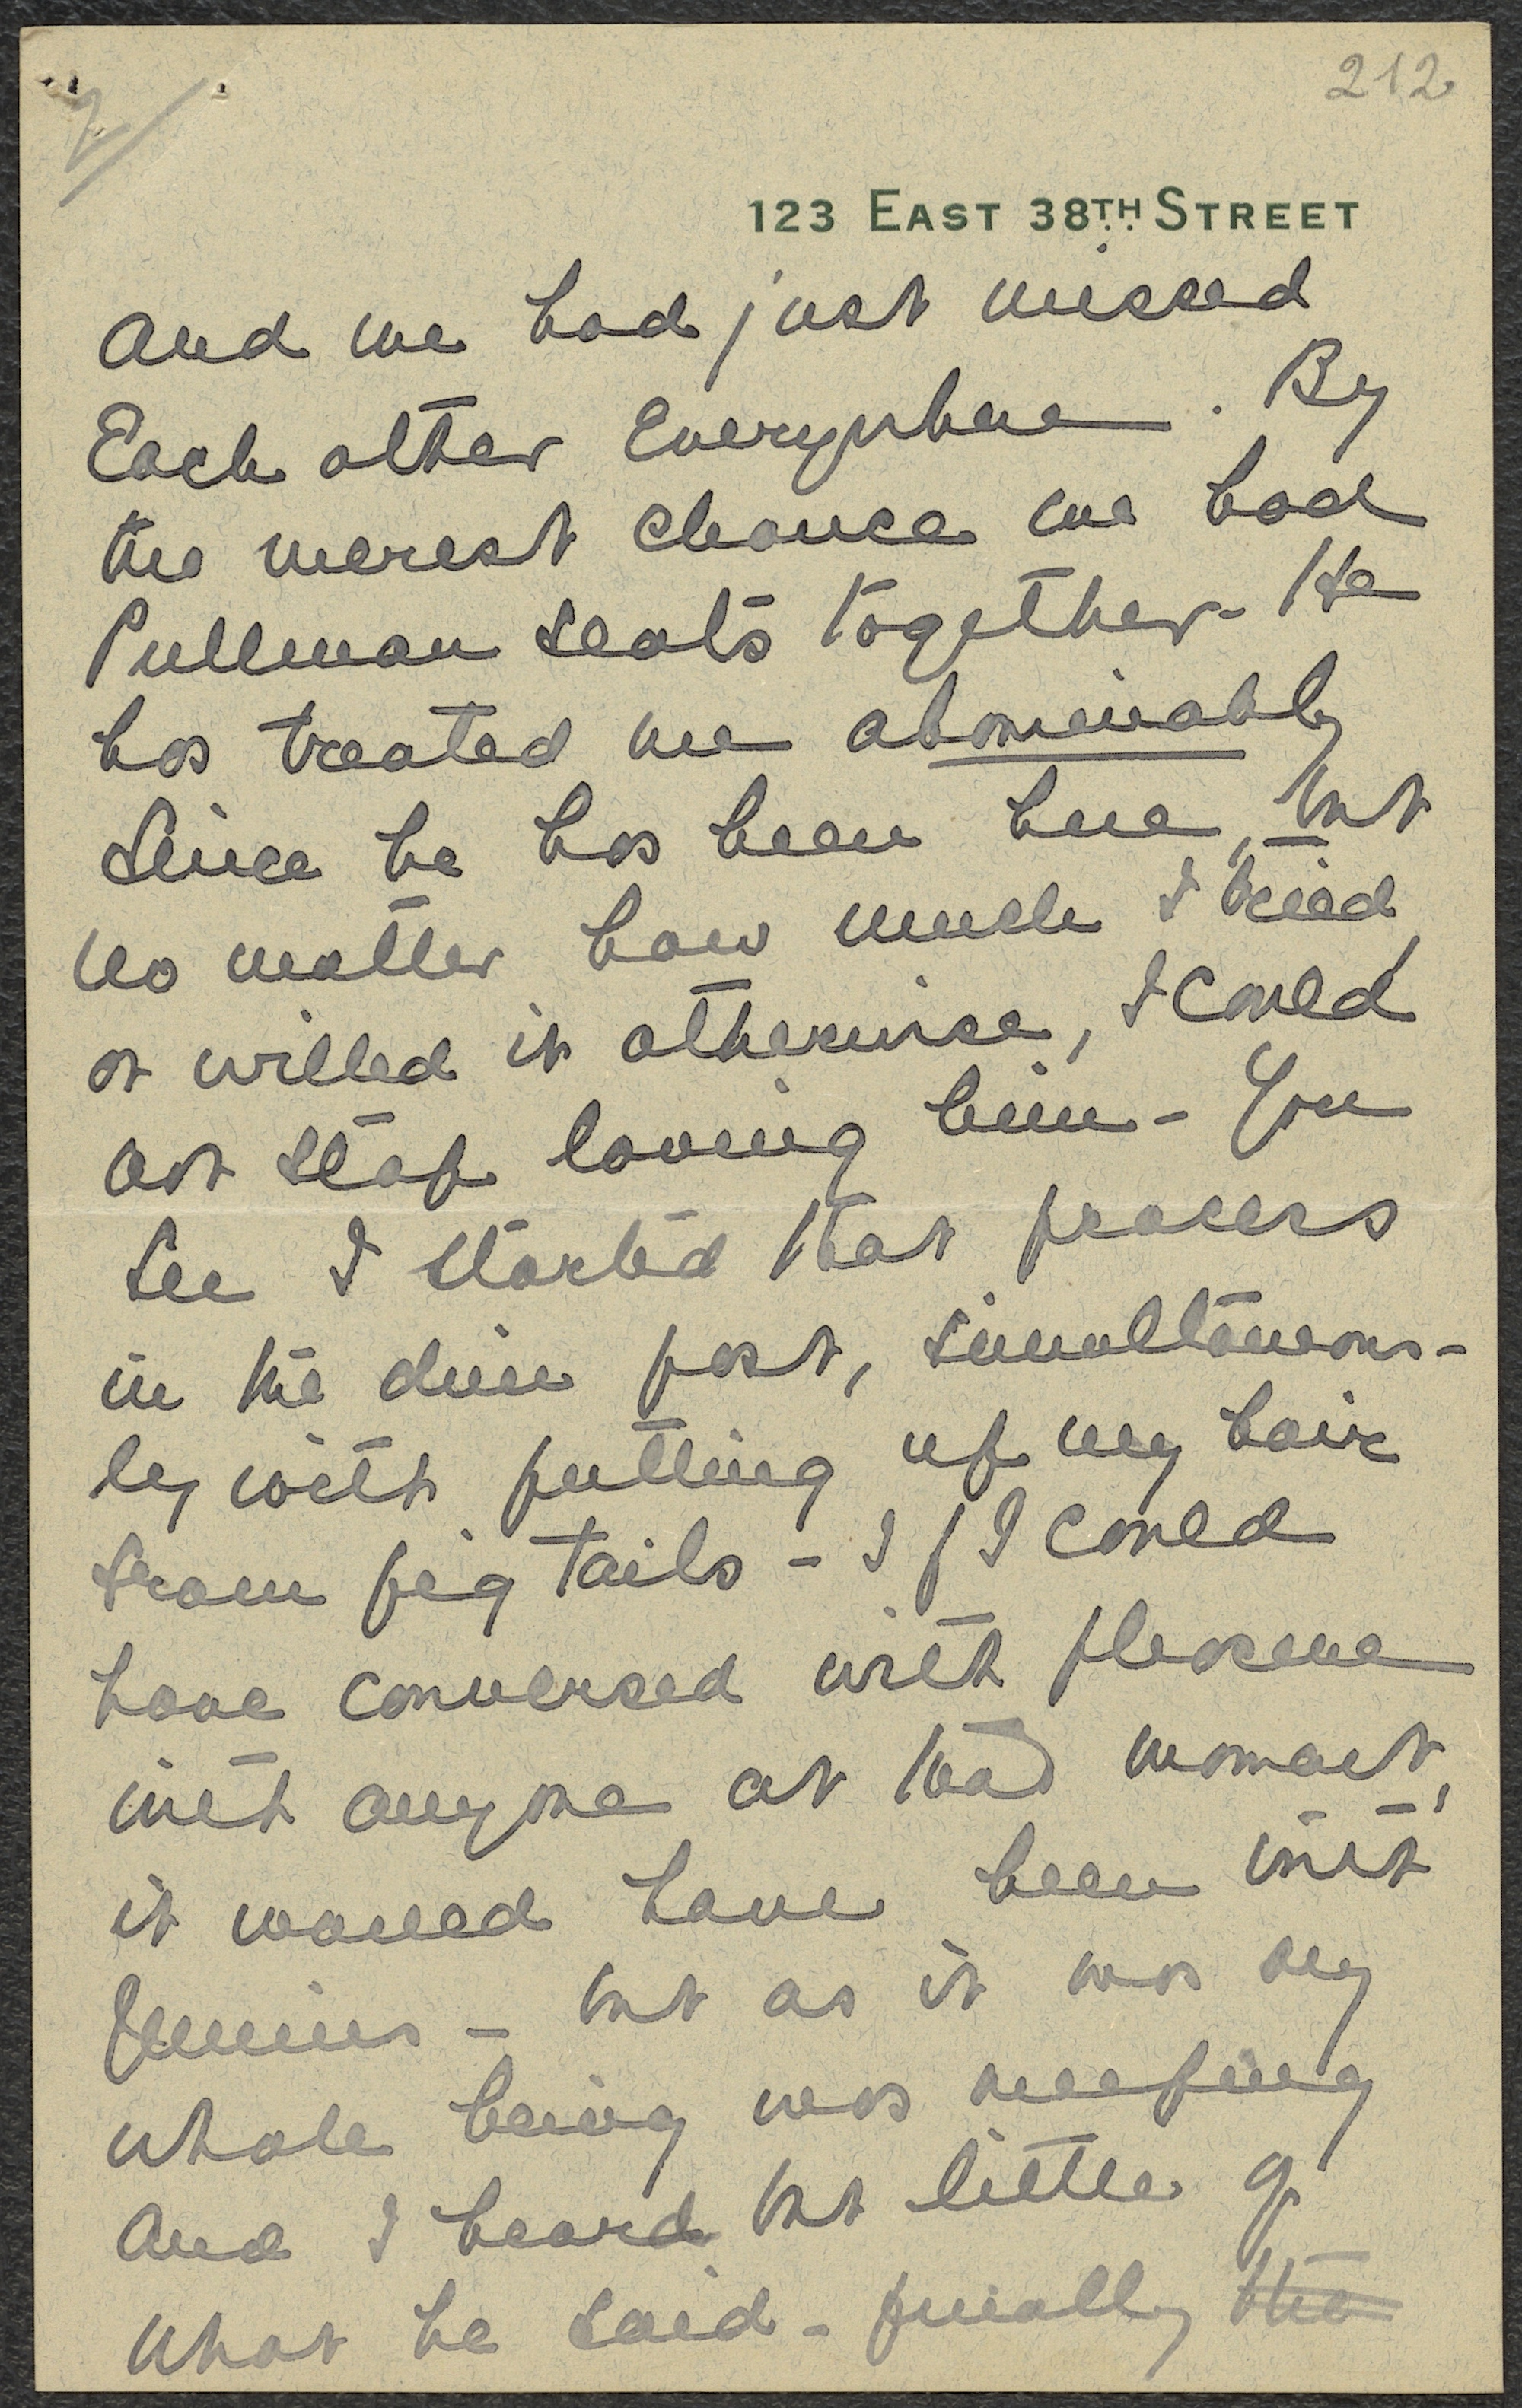2
and we had just missed each other everywhere. By the merest chance we had Pullman seats together – He has treated me abominably since he has been here, but no matter how much I tried or willed it otherwise I could not stop loving him – You see I started that process in the dim past, simultaneously with putting up my hair from pig tails – If I could have conversed with pleasure with anyone at that moment, it would have been with Junius – but as it was my whole being was weeping and I heard but little of what he said – finally, the